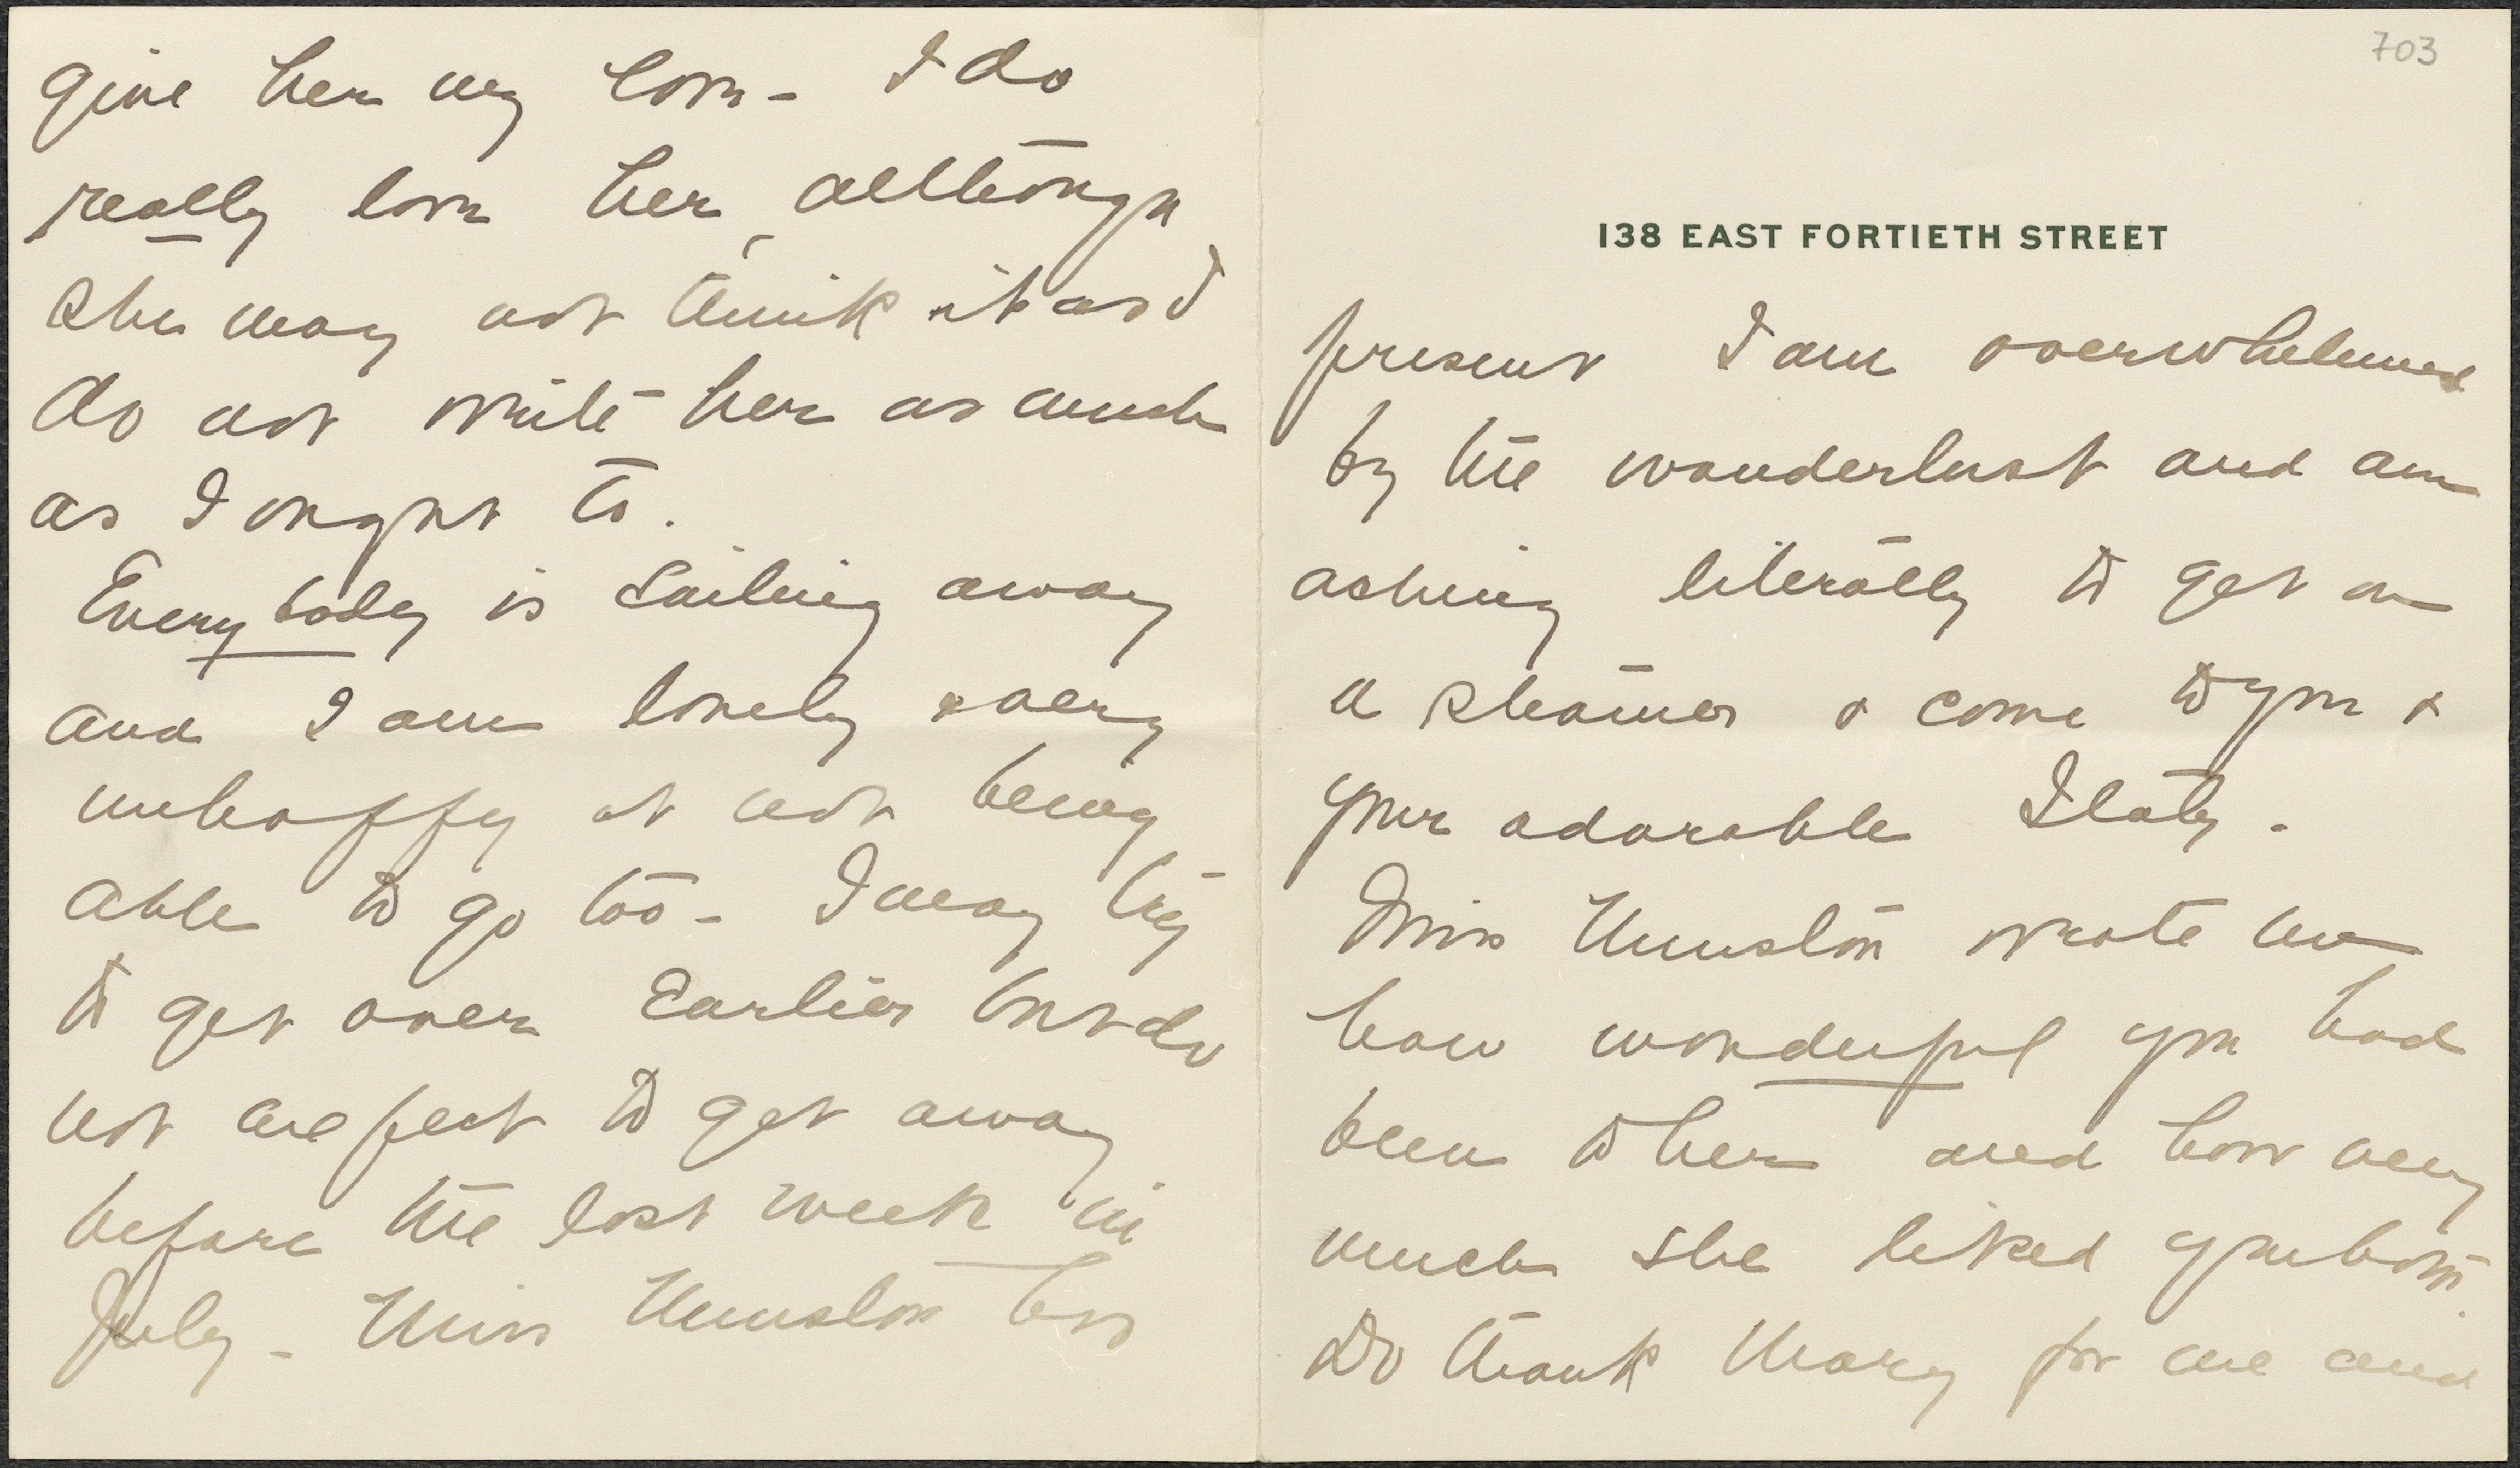present I am overwhelmed by the wanderlust and am asking literally to get on a steamer & come to you to your adorable Italy.
Miss Thurston wrote me how wonderful you had been to her and how very much she liked you both. Do thank Mary for me and
give her my love – I do really love her, although she may not think it as I do not write her as much as I ought to.
Every body is sailing away and I am lonely & very unhappy at not being able to go too. I may try to get over earlier but do not expect to get away before the last week in July. Miss Thurston has